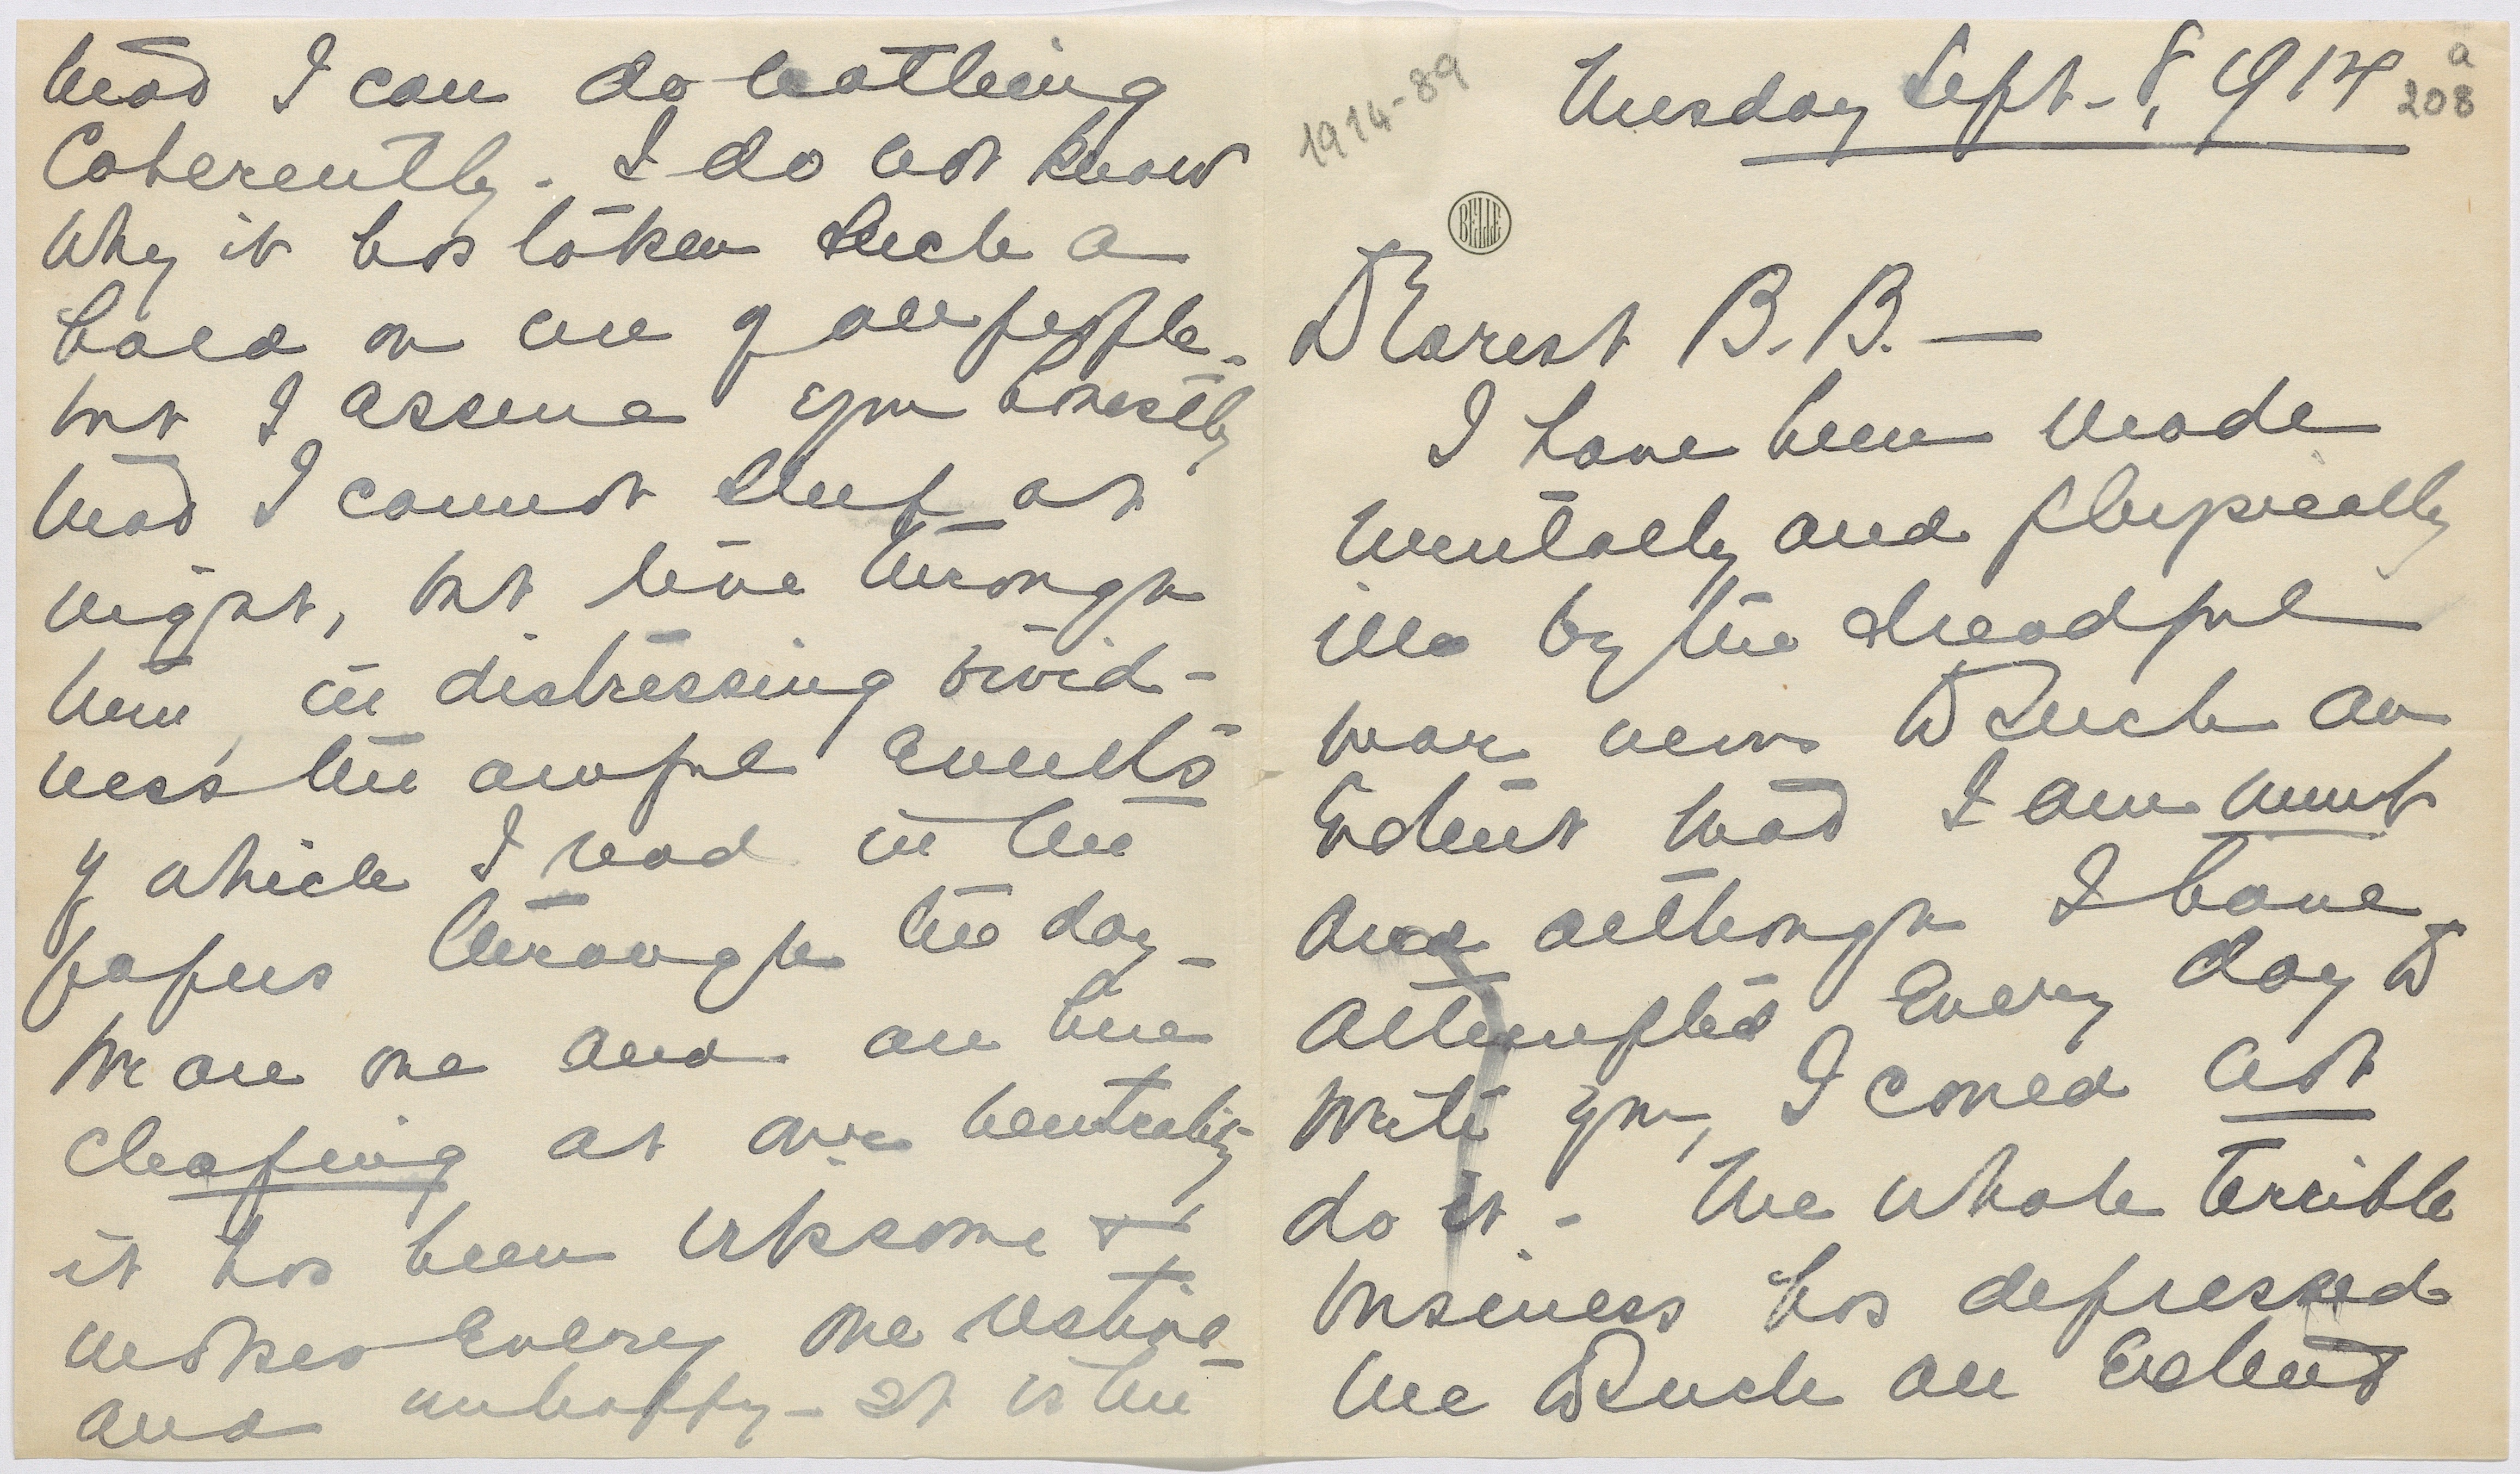Tuesday, September 8, 1914
Dearest B.B. –
I have been made mentally and physically ill by the dreadful war news to such an extent that I am numb and although I have attempted every day to write you, I could not do it – The whole terrible business has depressed me to such an extent
that I can do nothing coherently. I do not know why it has taken such a hold on me of all people, but I assure you honestly that I cannot sleep at night, but live through them, in distressing vividness the awful events of which I read in the papers through the day – we are one and all here chafing at our neutrality – it has been irksome & makes every one restive and unhappy – It is the